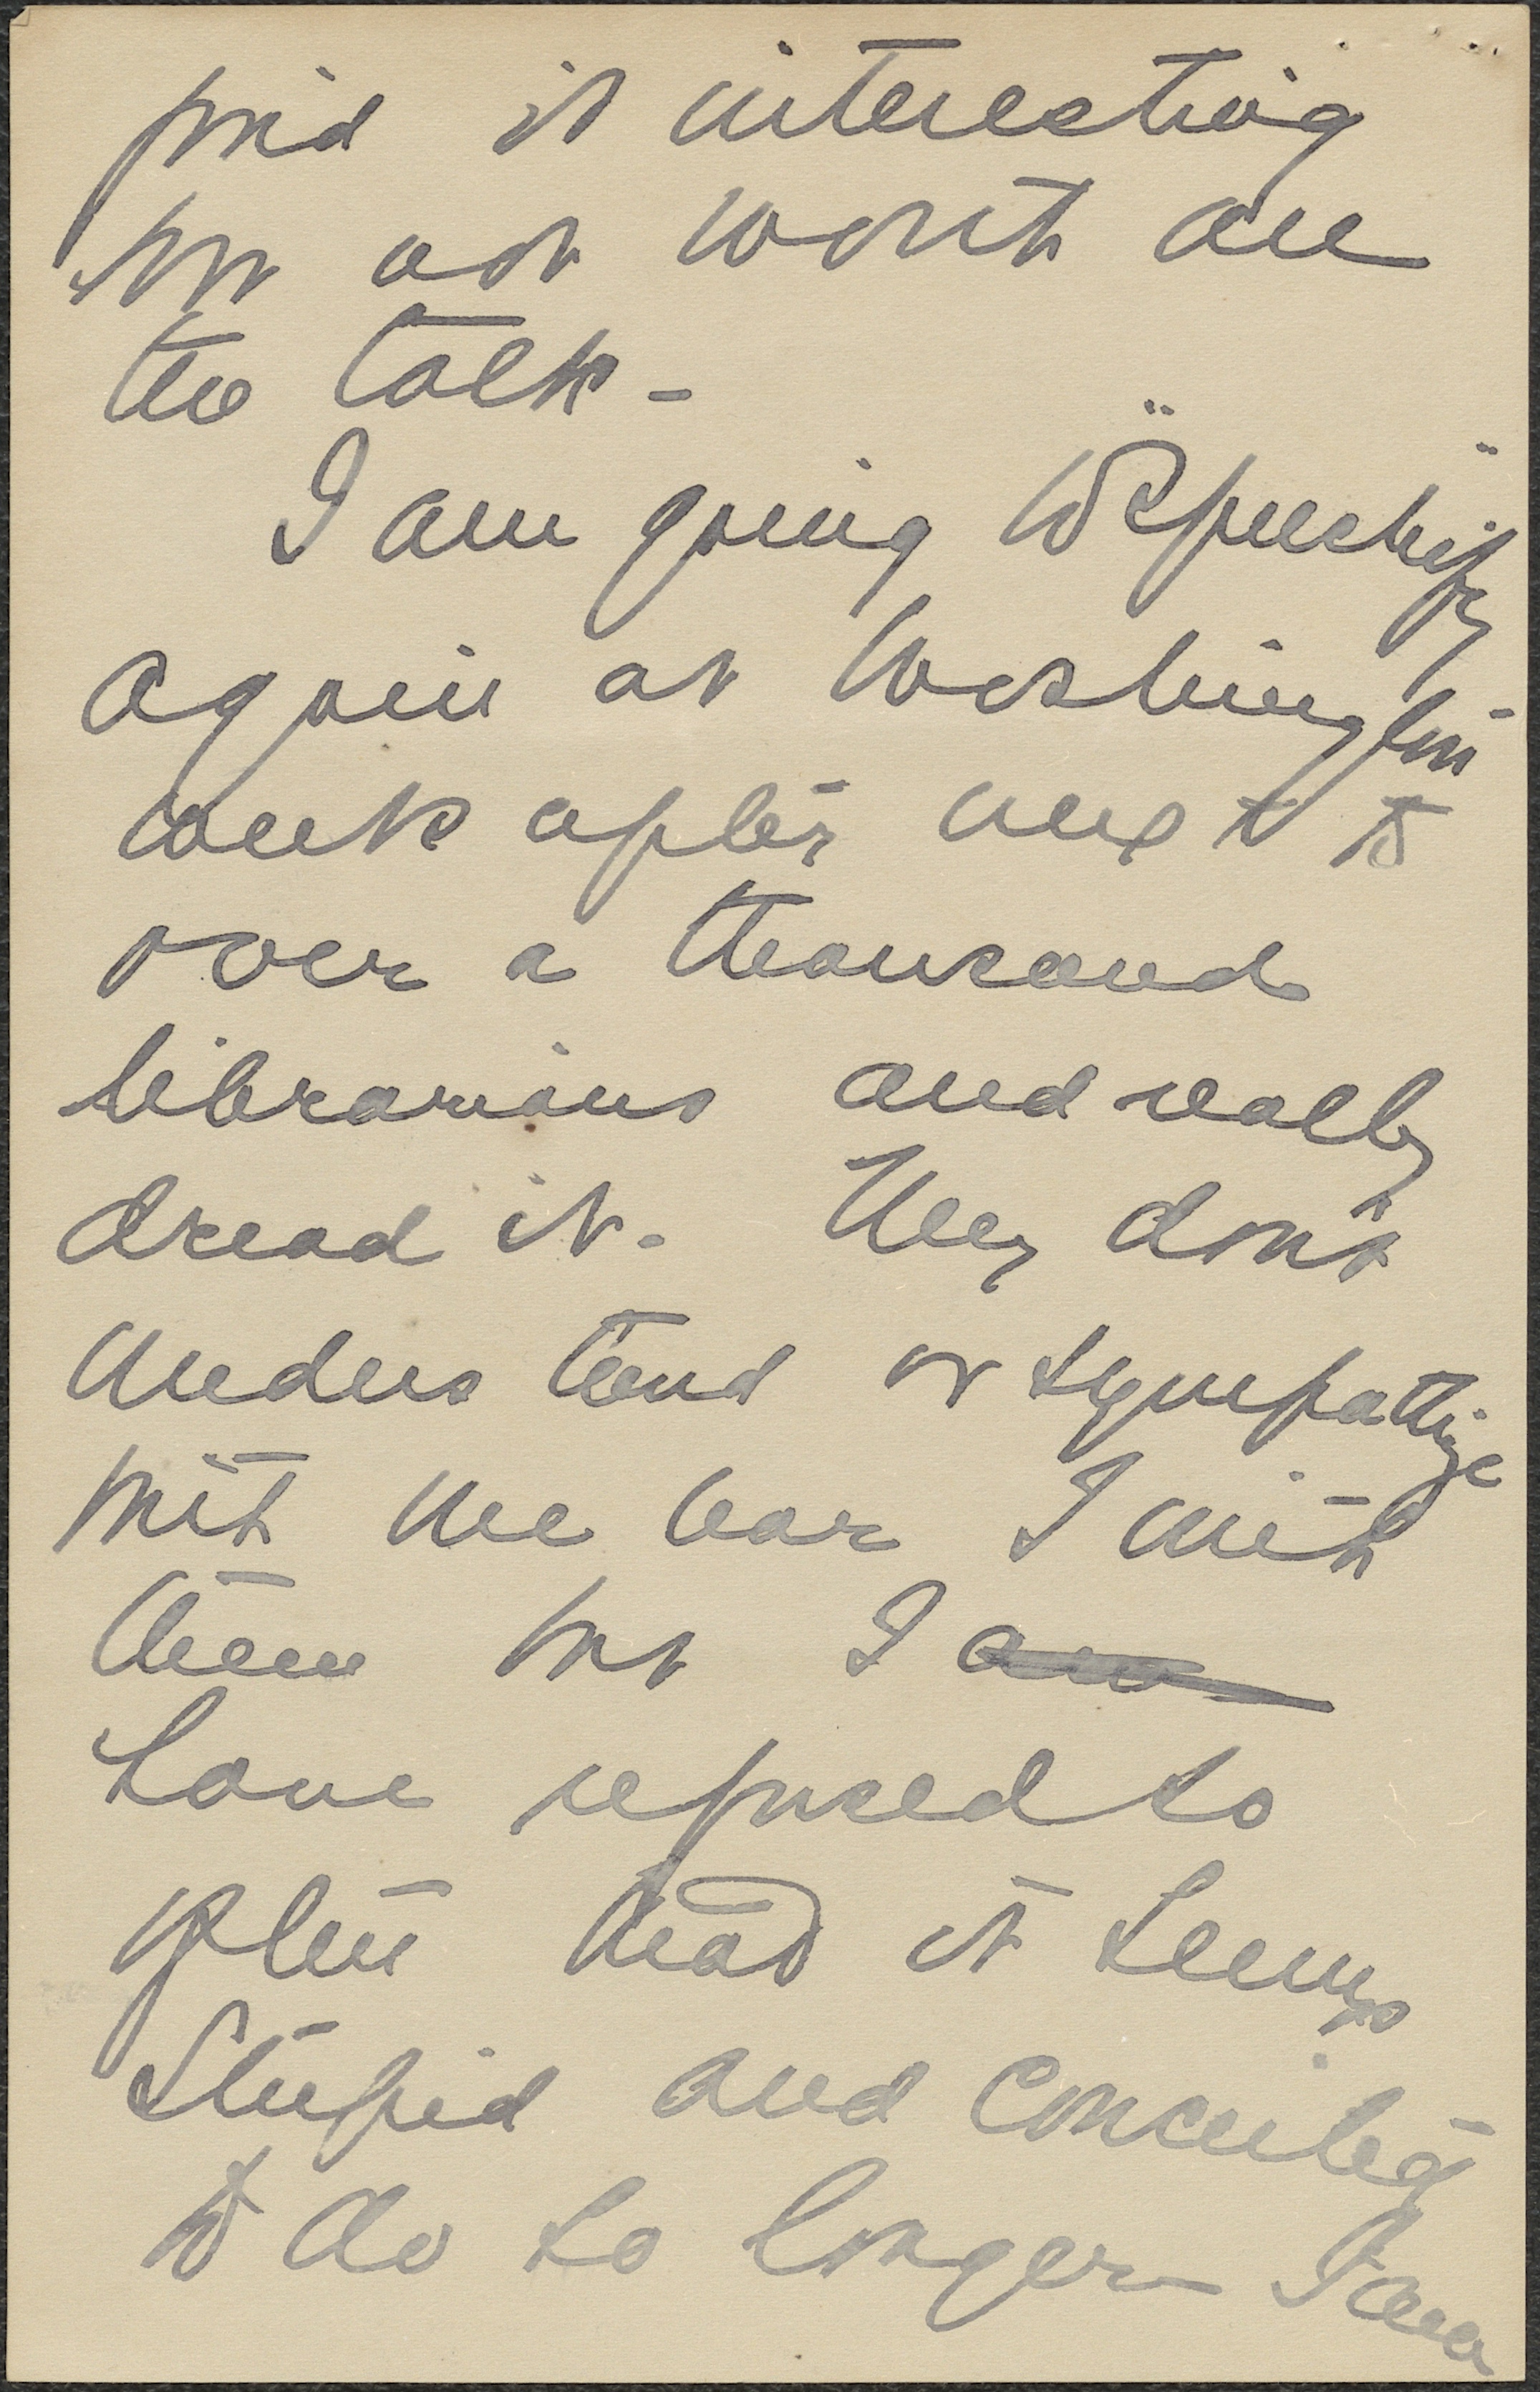find it interesting but not worth all the talk –
I am going to “speechify” again at Washington week after next to over a thousand librarians and really dread it – They don’t understand or sympathize with me nor I with them but I am have refused so often that it seems stupid and conceited to do so longer – I am